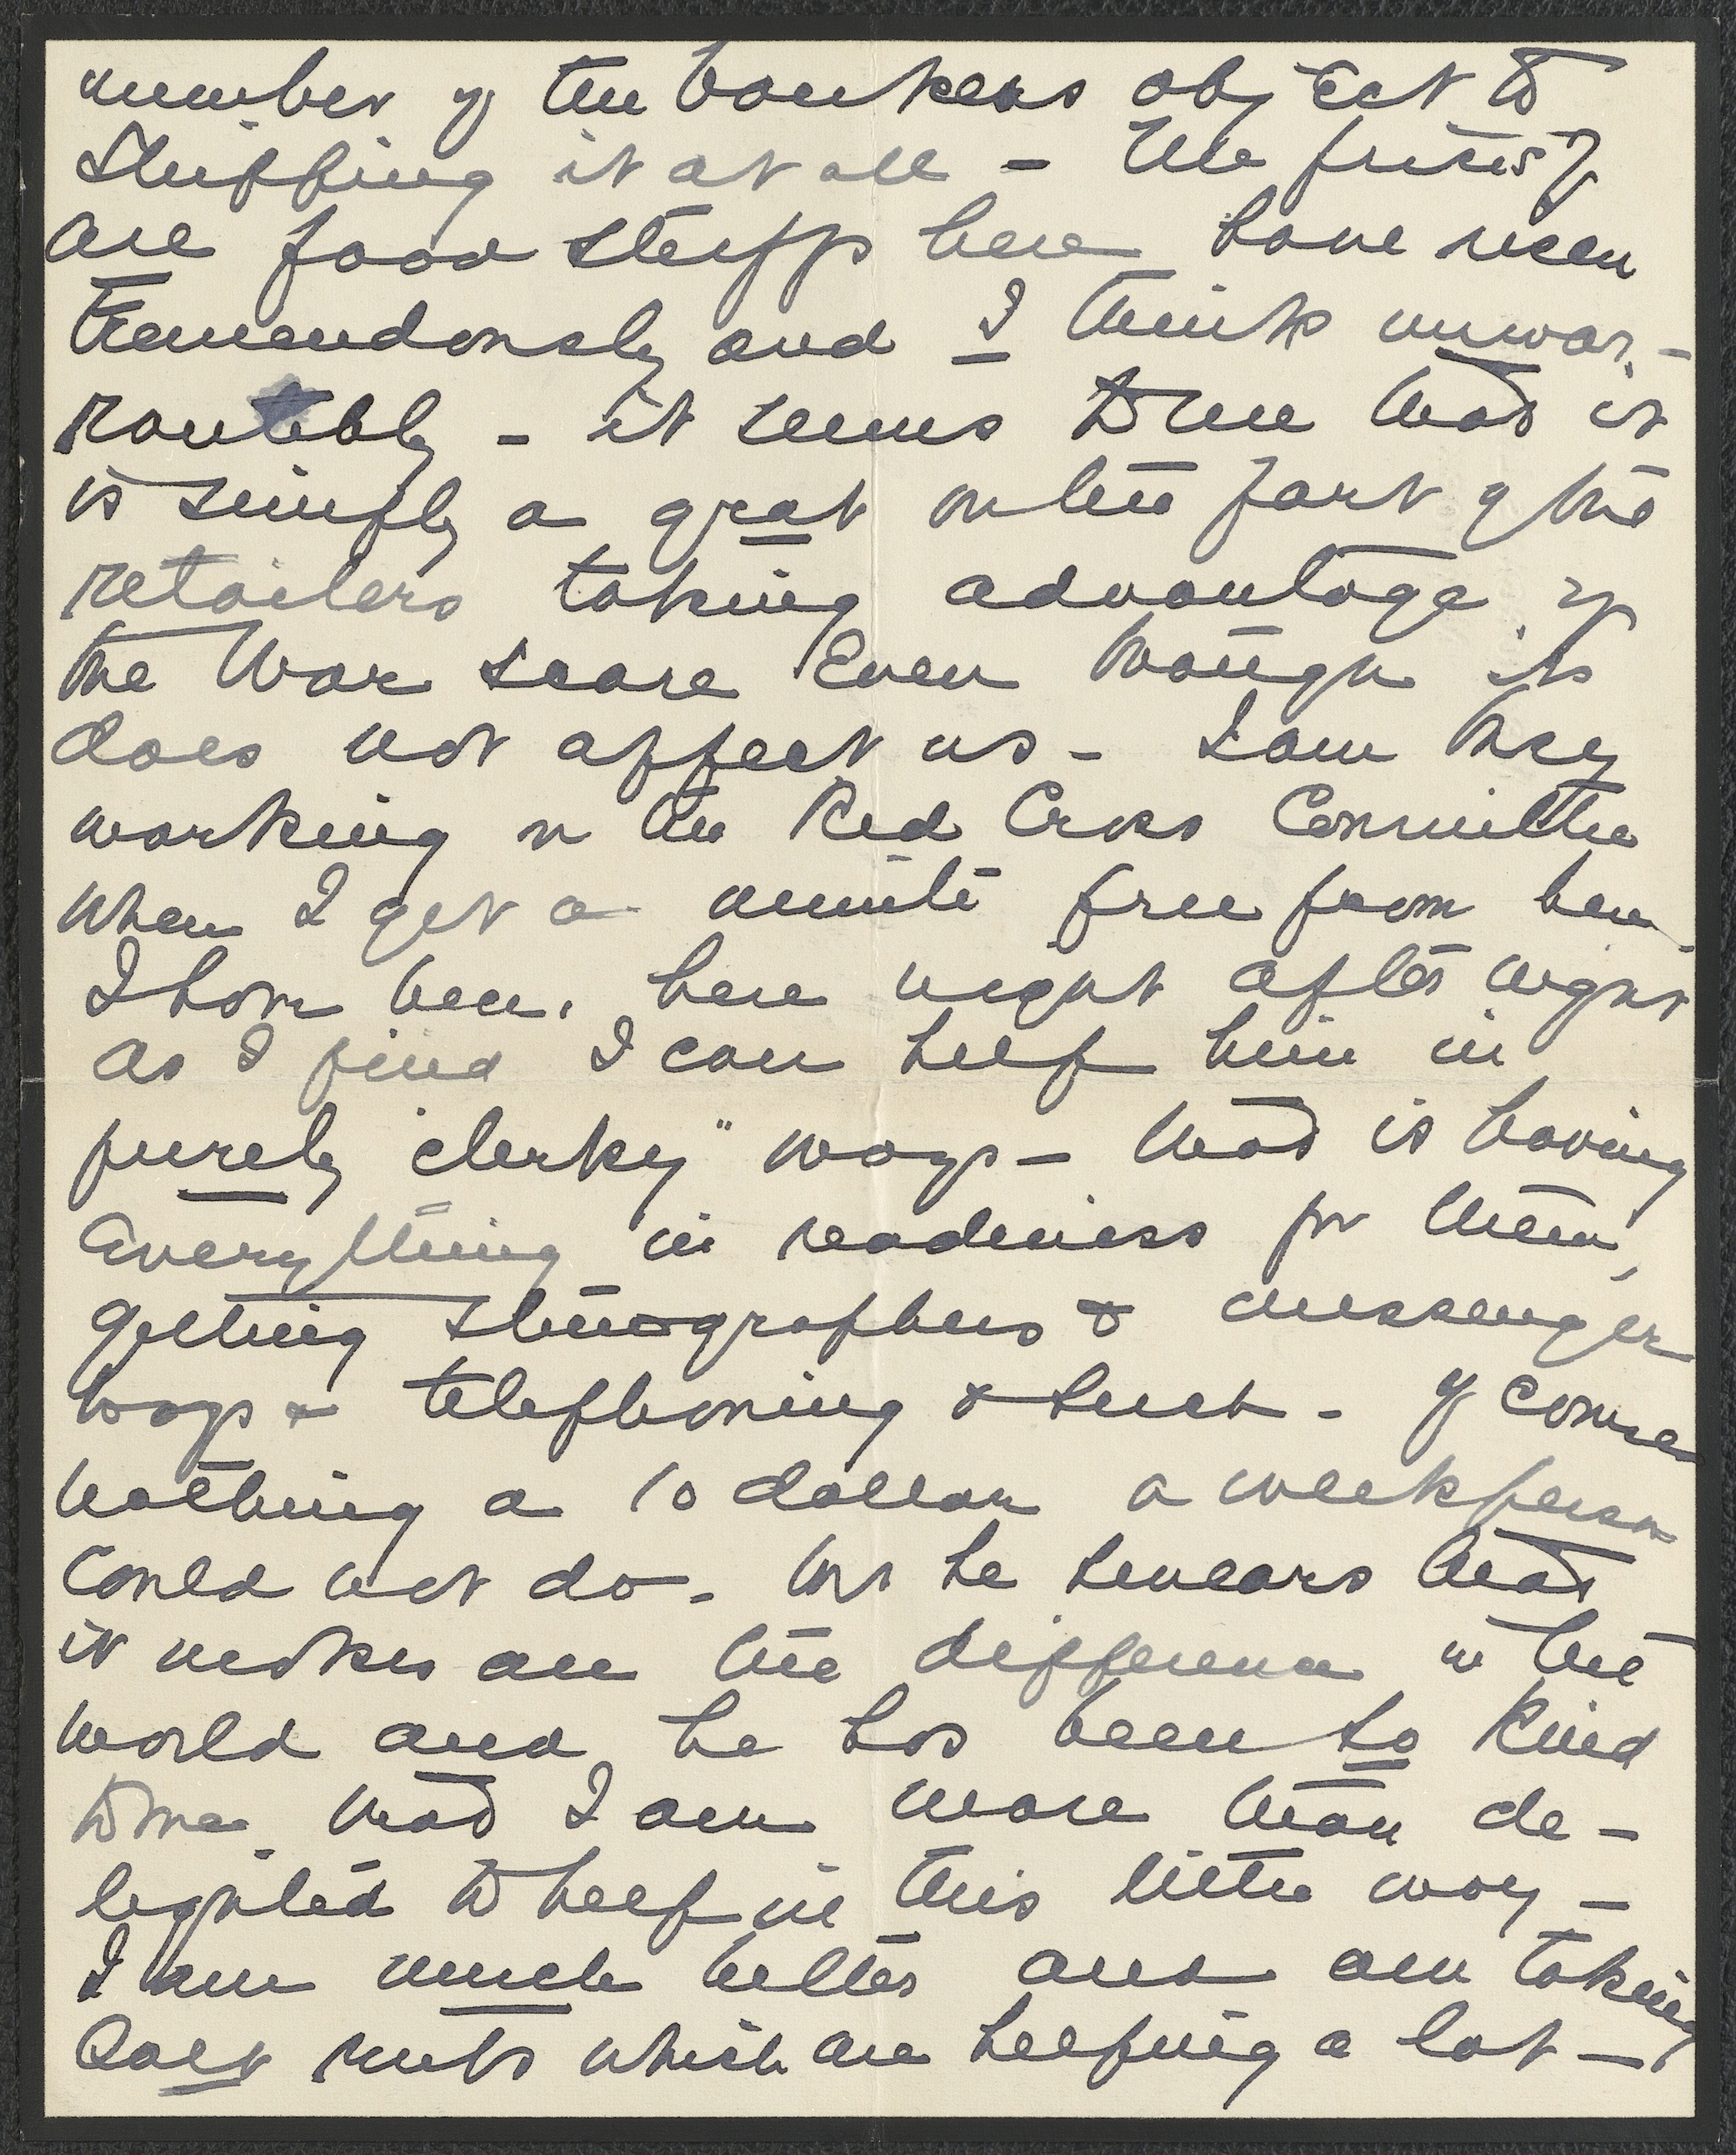number of the bankers object to shipping it at all – The prices of all food stuffs here have risen tremendously and I think unwarrantably – it seems to me that it is simply a grab on the part of the retailers taking advantage of the War Scare even though it does not affect us – I am busy working on the Red Cross Committee when I get a minute free from here. I have been, here night after night as I find I can help him in purely "clerky" ways – that is having everything in readiness for them, getting stenographers & messenger loops & telephoning & such – of course nothing a 10 dollar a week person could not do – but he swears that it makes all the difference in the world and he has been so kind to me that I am more than delighted to help in this little way – I am much better and am taking salt rubs which are helping a lot –